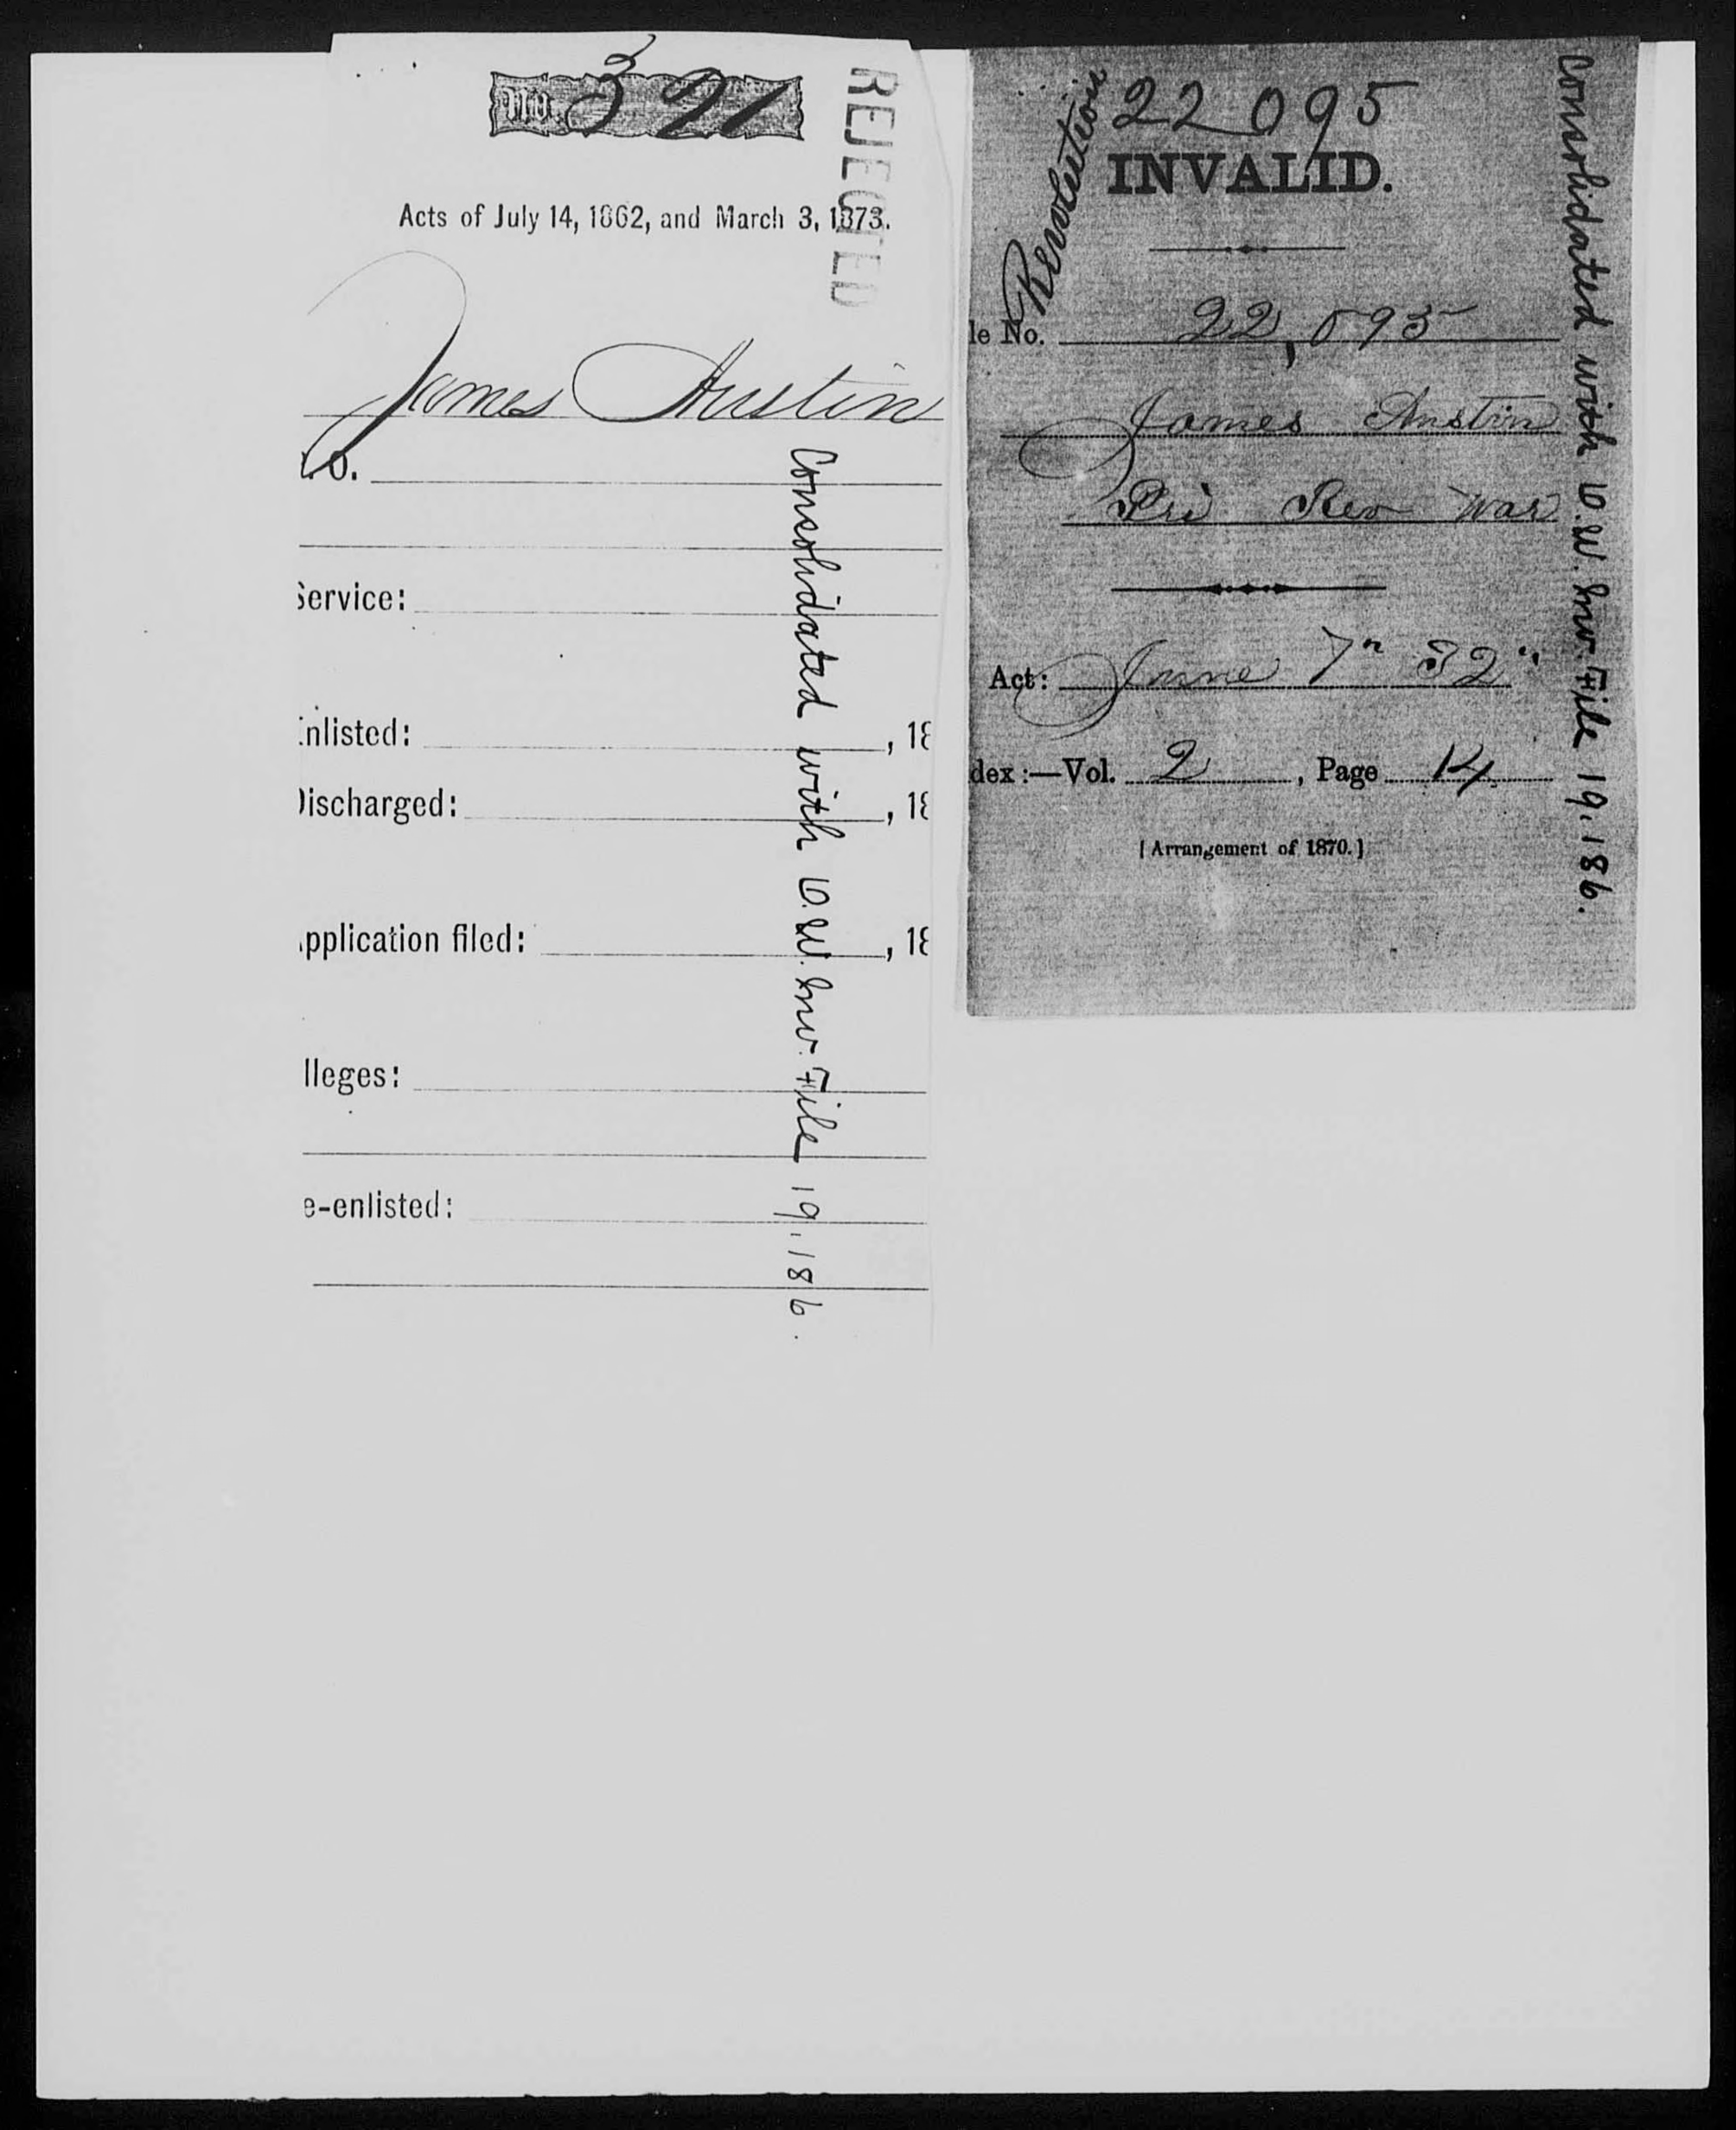Acts of July 14, 1862, and March 3, 1873.
James Austin
Consolidated with D. W. Inv. File 19,186
Revolution
22095
Invalid.
File No. 22,095
James Austin
Priv. Rev. War.
Act: June 7, 32"
Index:-Vol. 2, Page 14
[Arrangement of 1870.]
Consolidated with D. W. Inv. File 19,186.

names: James Austin, James Austin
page: 38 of 100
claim: survivor's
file: S 19186, James Austin, Conn. New York R.I.